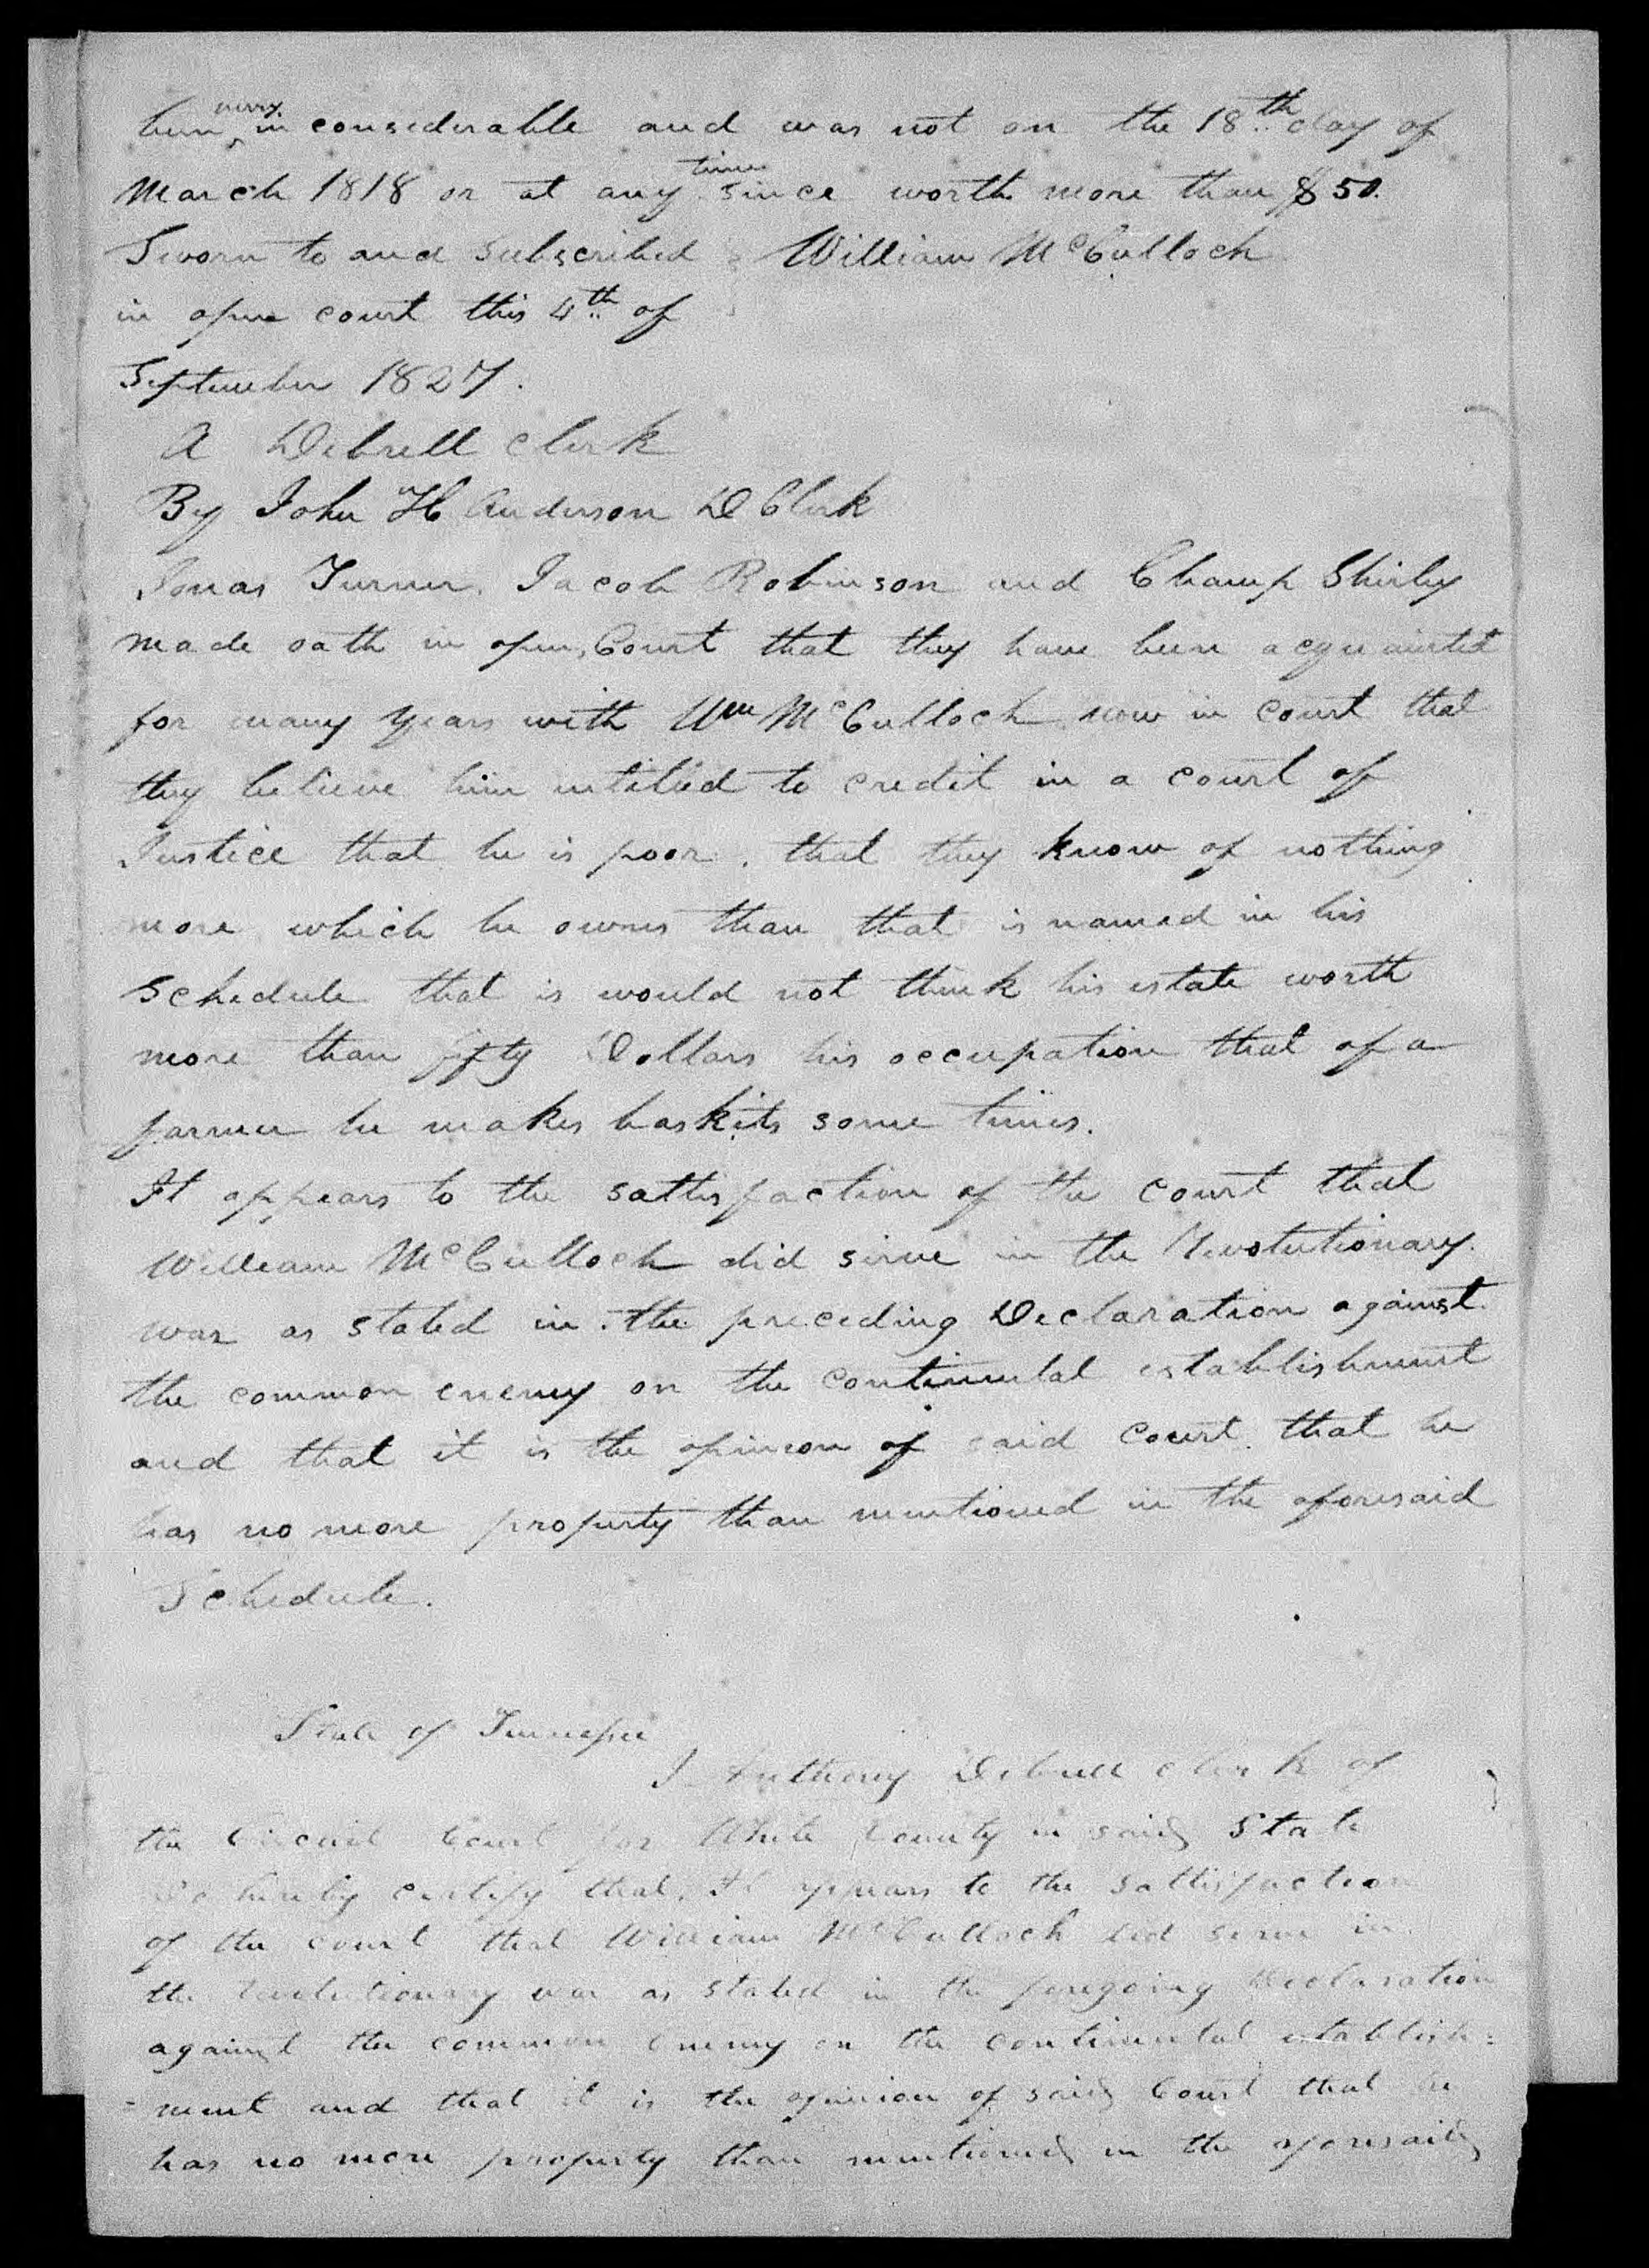been very inconsiderable and was not on the 18th day of March 1818 or at any time since worth more than $50. 
     Sworn to and subscribed in open court this 4th day of September 1827 
            William McCulloch
A Dibrell clerk
By John H. Anderson d. Clerk

     Jonas Turner, Jacob Robinson and Champ Shirley made oath in open court that they have been acquainted for many years with Wm McCulloch now in court that they believe him intitled to credit in a court of Justice that he is poor, that they know of nothing more which he owns than that is named in his schedule that is would not think his estate worth more than fifty Dollars his occupation that of a farmer he makes baskits (sic) sometimes.
     It appears to the satisfaction of the court that William McCulloch did serve in the Revolutionary war was stated in the preceding Declaration against the common enemy on the continental establishment and that it is the opinion of said court that he has no more property than mentioned in the aforesaid Schedule.

State of Tennessee
     I Anthony Dibrell clerk of the Circuit Court for White County in said state do hereby certify that it appears to the satisfaction of the court that William McCulloch did serve in the Revolutionary war as stated in the foregoing Declaration against the common enemy in the continental establishment and that it is the opinion of said Court that he has no more property than mentioned in the aforesaid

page: 7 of 9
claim: survivor's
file: S. 38,936, for William Mc Culloch, Virginia